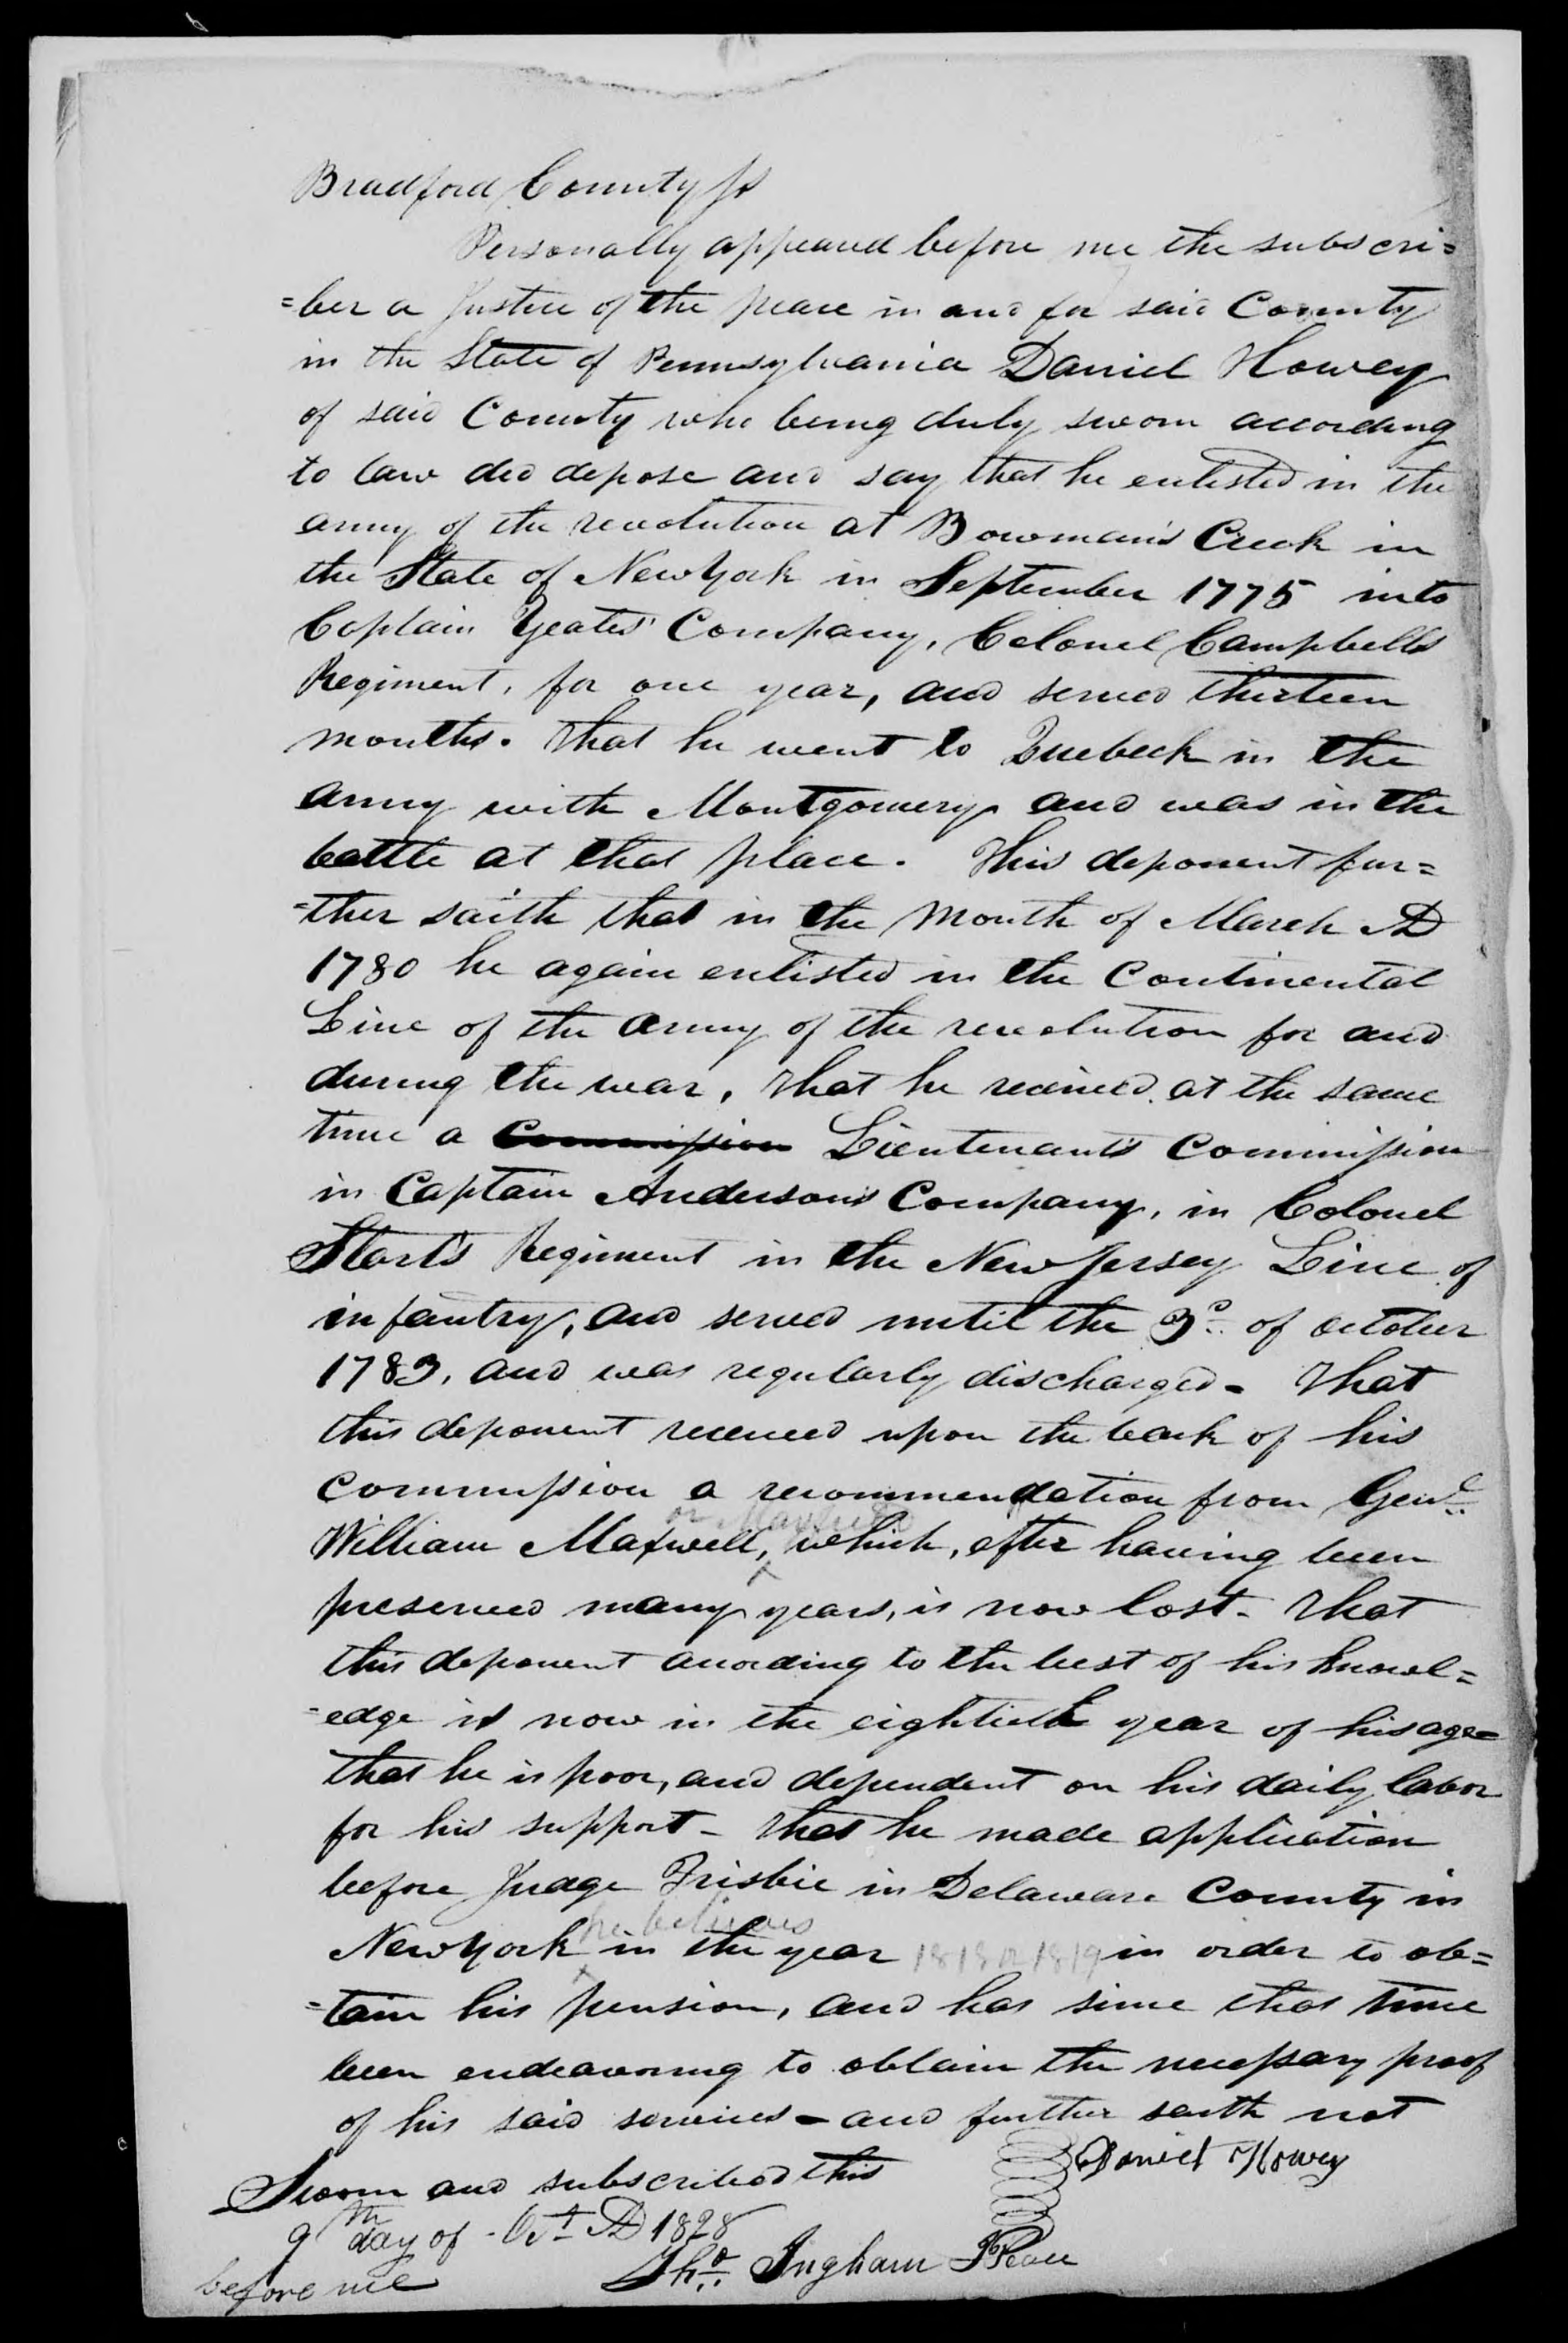Bradford County P
Personally appeared before me the subscriber a Justice of the Peace in and for said County in the State of Pennsylvania Daniel Howey of said County who being duly sworn according to law did depose and say that he enlisted in the army of the revolution at Bowman's Creek in the State of New York in September 1775 into Captain Yeates' Company, Colonel Campbell's Regiment, for one year, and served thirteen months. That he went to Quebeck in the army with Montgomery and was in the battle at that place. This deponent further saith that in the month of March AD 1780 he again enlisted in the Continental Line of the Army of the revolution for and during the war. That he received at the same time a commission [crossed out] Lieutenant's commission in Captain Anderson's Company, in Colonel Stout's Regiment in the New Jersey Line of infantry, and served until the 3d of October 1783, and was regularly discharged. That this deponent received upon the back of his commission a recommendation from Genl William Maxwell (or Maxfield) which, after having been preserved many years, is now lost. That this deponent according to the best of his knowledge is now in the eightieth year of his age, that he is poor, and dependent on his daily labor for his support. That he made application before Judge Frisbie in Delaware County in New York, he believes, in the year 1818 or 1819 in order to obtain his pension, and has since that time been endeavoring to obtain the necessary proof of his said services - and further saith not - Sworn and subscribed this 9th day of Oct AD 1828 before me Tho. Ingham, J Peace 
[swirls of ink] Daniel Howey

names: Daniel Howey, Montgomery, William Maxfield, Campbell, Tho Ingham, William Maxwell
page: 16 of 25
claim: rejected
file: R. 5190, Daniel Howey, New Jersey New York